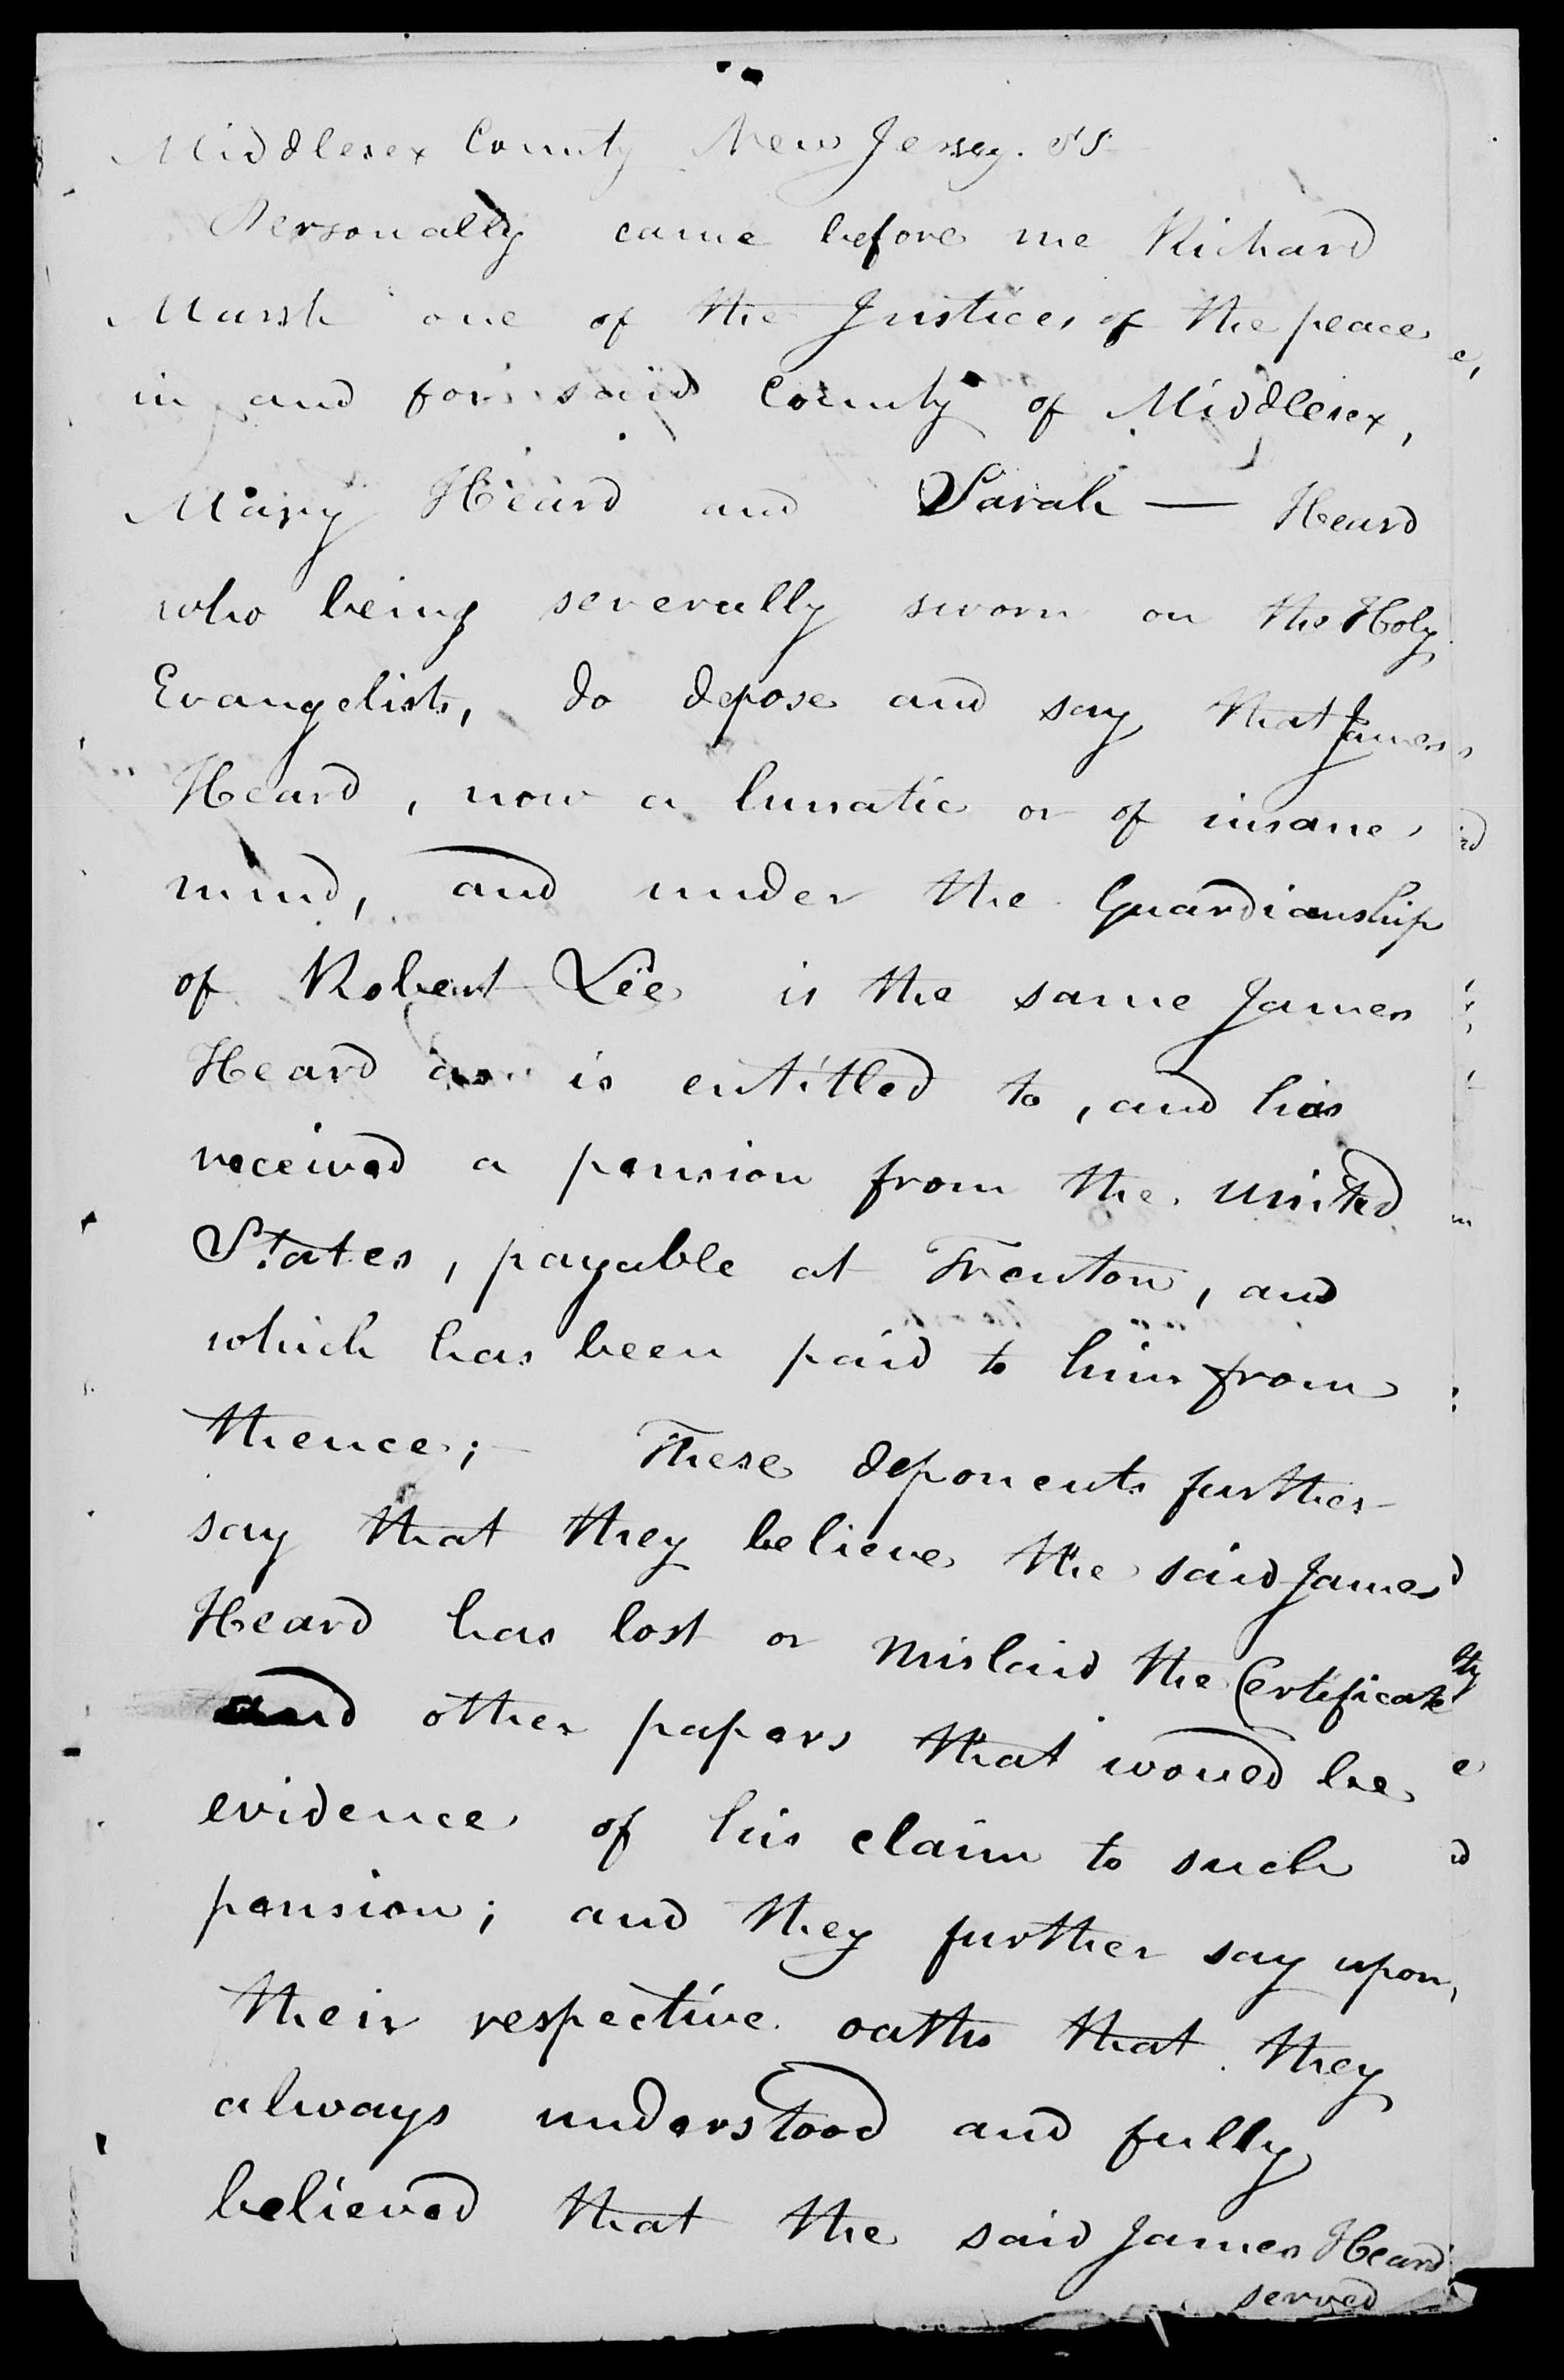Middlesex County, New Jersey 

Personally came before me, Richard March, one of the Justices of the Peace in and for said County of Middlesex, Mary Heard and Sarah Heard, who being severally sworn on the Holy Evangelist, do depose and say the James Heard, now a lunatic of insane mind, and under the guardianship of Robert Lee is the same James Heard and is entitled to, and has received a pension from the United States, payable at Trenton, and which has been paid to him from thence; these deponents further say that they believe the said James Heard has lost or mislaid the certificate and other papers that would be evidence of his claim to such pension; and they further say upon their respective oaths that they always understood and fully believed that the said James Heard served [Missing Text].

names: Robert Lee, James Heard, James Heard, James Heard, James Heard, Richard Marsh, Sarah Heard, Mary Heard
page: 32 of 62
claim: survivor's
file: S. 540, James Heard, Continental - New Jersey Residence In 1818